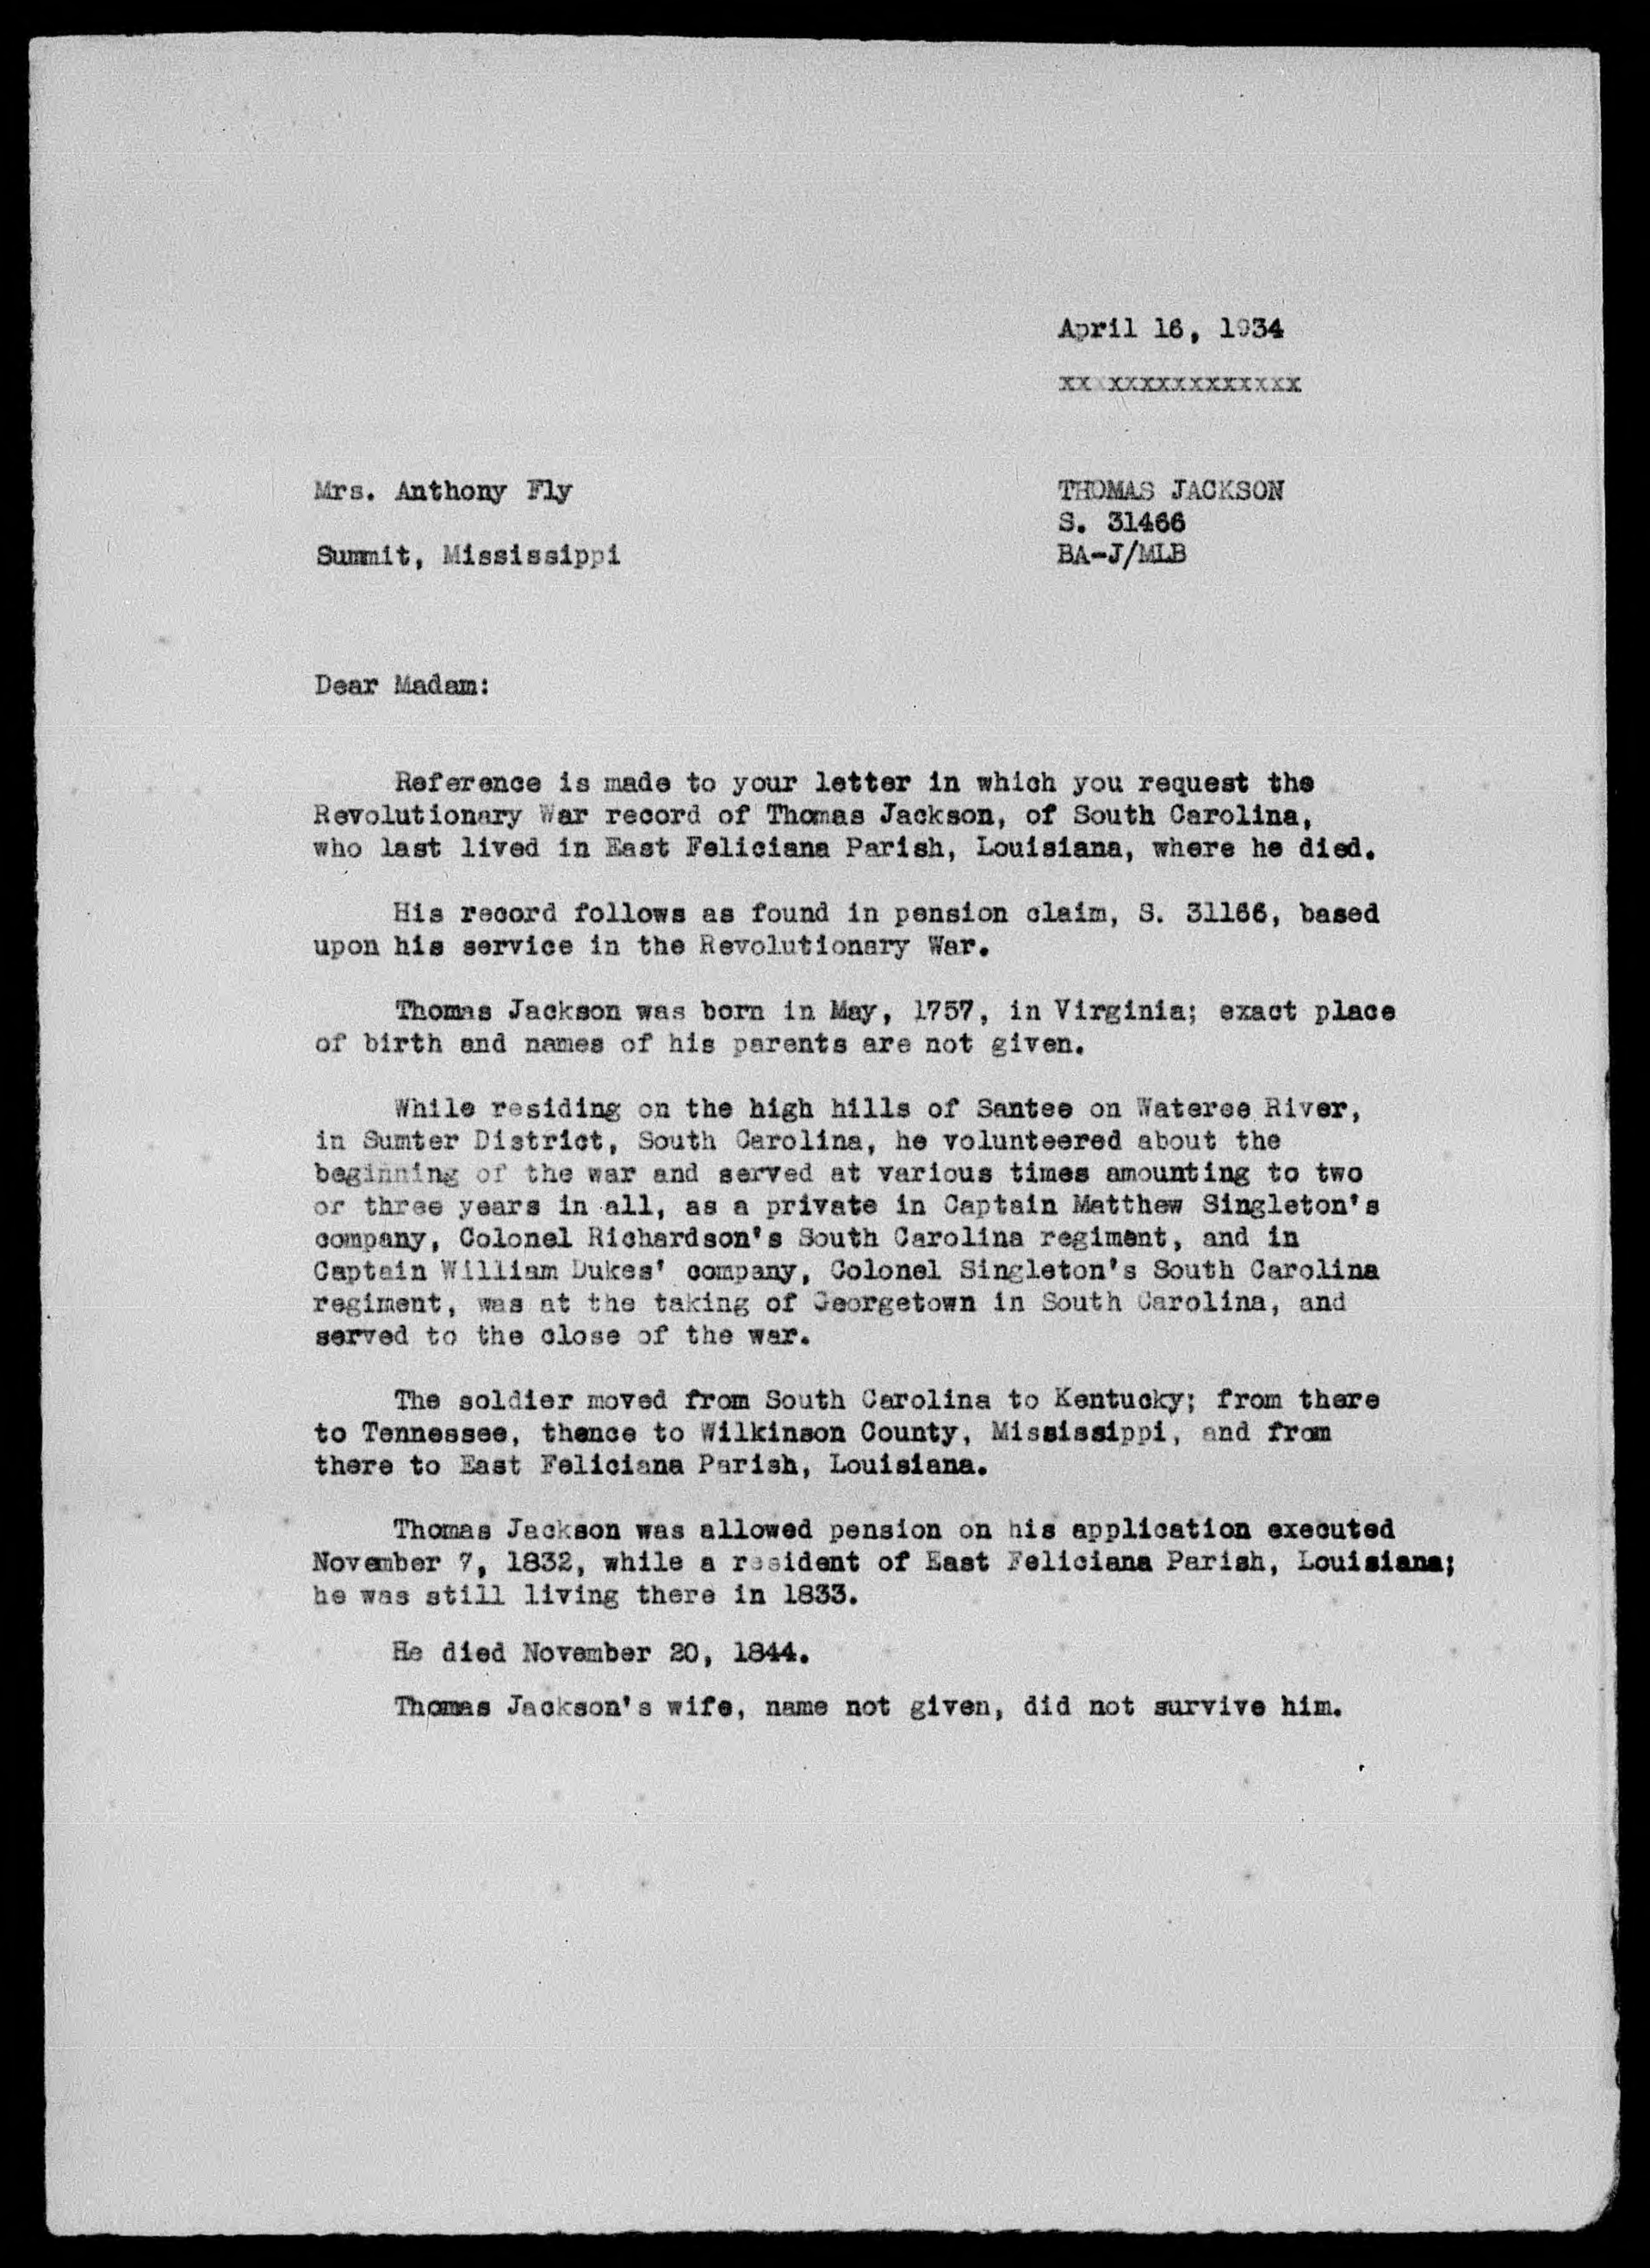April 16, 1934
XXXXXXXXXXXXXX
THOMAS JACKSON
S. 31466
BA-J/MLB

Mrs. Anthony Fly
Summit, Mississippi
Dear Madam:
Reference is made to your letter in which you request the
Revolutionary War record of Thomas Jackson, of South Carolina,
who last lived in East Feliciana Parish, Louisiana, where he died.
His record follows as found in pension claim, S. 31166, based
upon his service in the Revolutionary War.
Thomas Jackson was born in May, 1757, in Virginia, exact place
of birth and names of his parents are not given.
While residing on the high hills of Santee on Wateree River,
in Sumter District, South Carolina, he volunteered about the
beginning of the war and served at various times amounting to two
or three years in all, as a private in Captain Matthew Singleton's
company, Colonel Richardson's South Carolina regiment, and in
Captain William Dukes' company, Colonel Singleton's South Carolina
regiment, was at the taking of Georgetown in South Carolina, and
served to the close of the war.
The soldier moved from South Carolina to Kentucky; from there
to Tennessee, thence to Wilkinson County, Mississippi, and from
there to East Feliciana Parish, Louisiana.
Thomas Jackson was allowed pension on his application executed
November 7, 1832, while a resident of East Feliciana Parish, Louisiana,
he was still living there in 1833.
He died November 20, 1844.
Thomas Jackson's wife, name not given, did not survive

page: 18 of 54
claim: survivor's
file: S. 31166, for Thomas Jackson, South Carolina